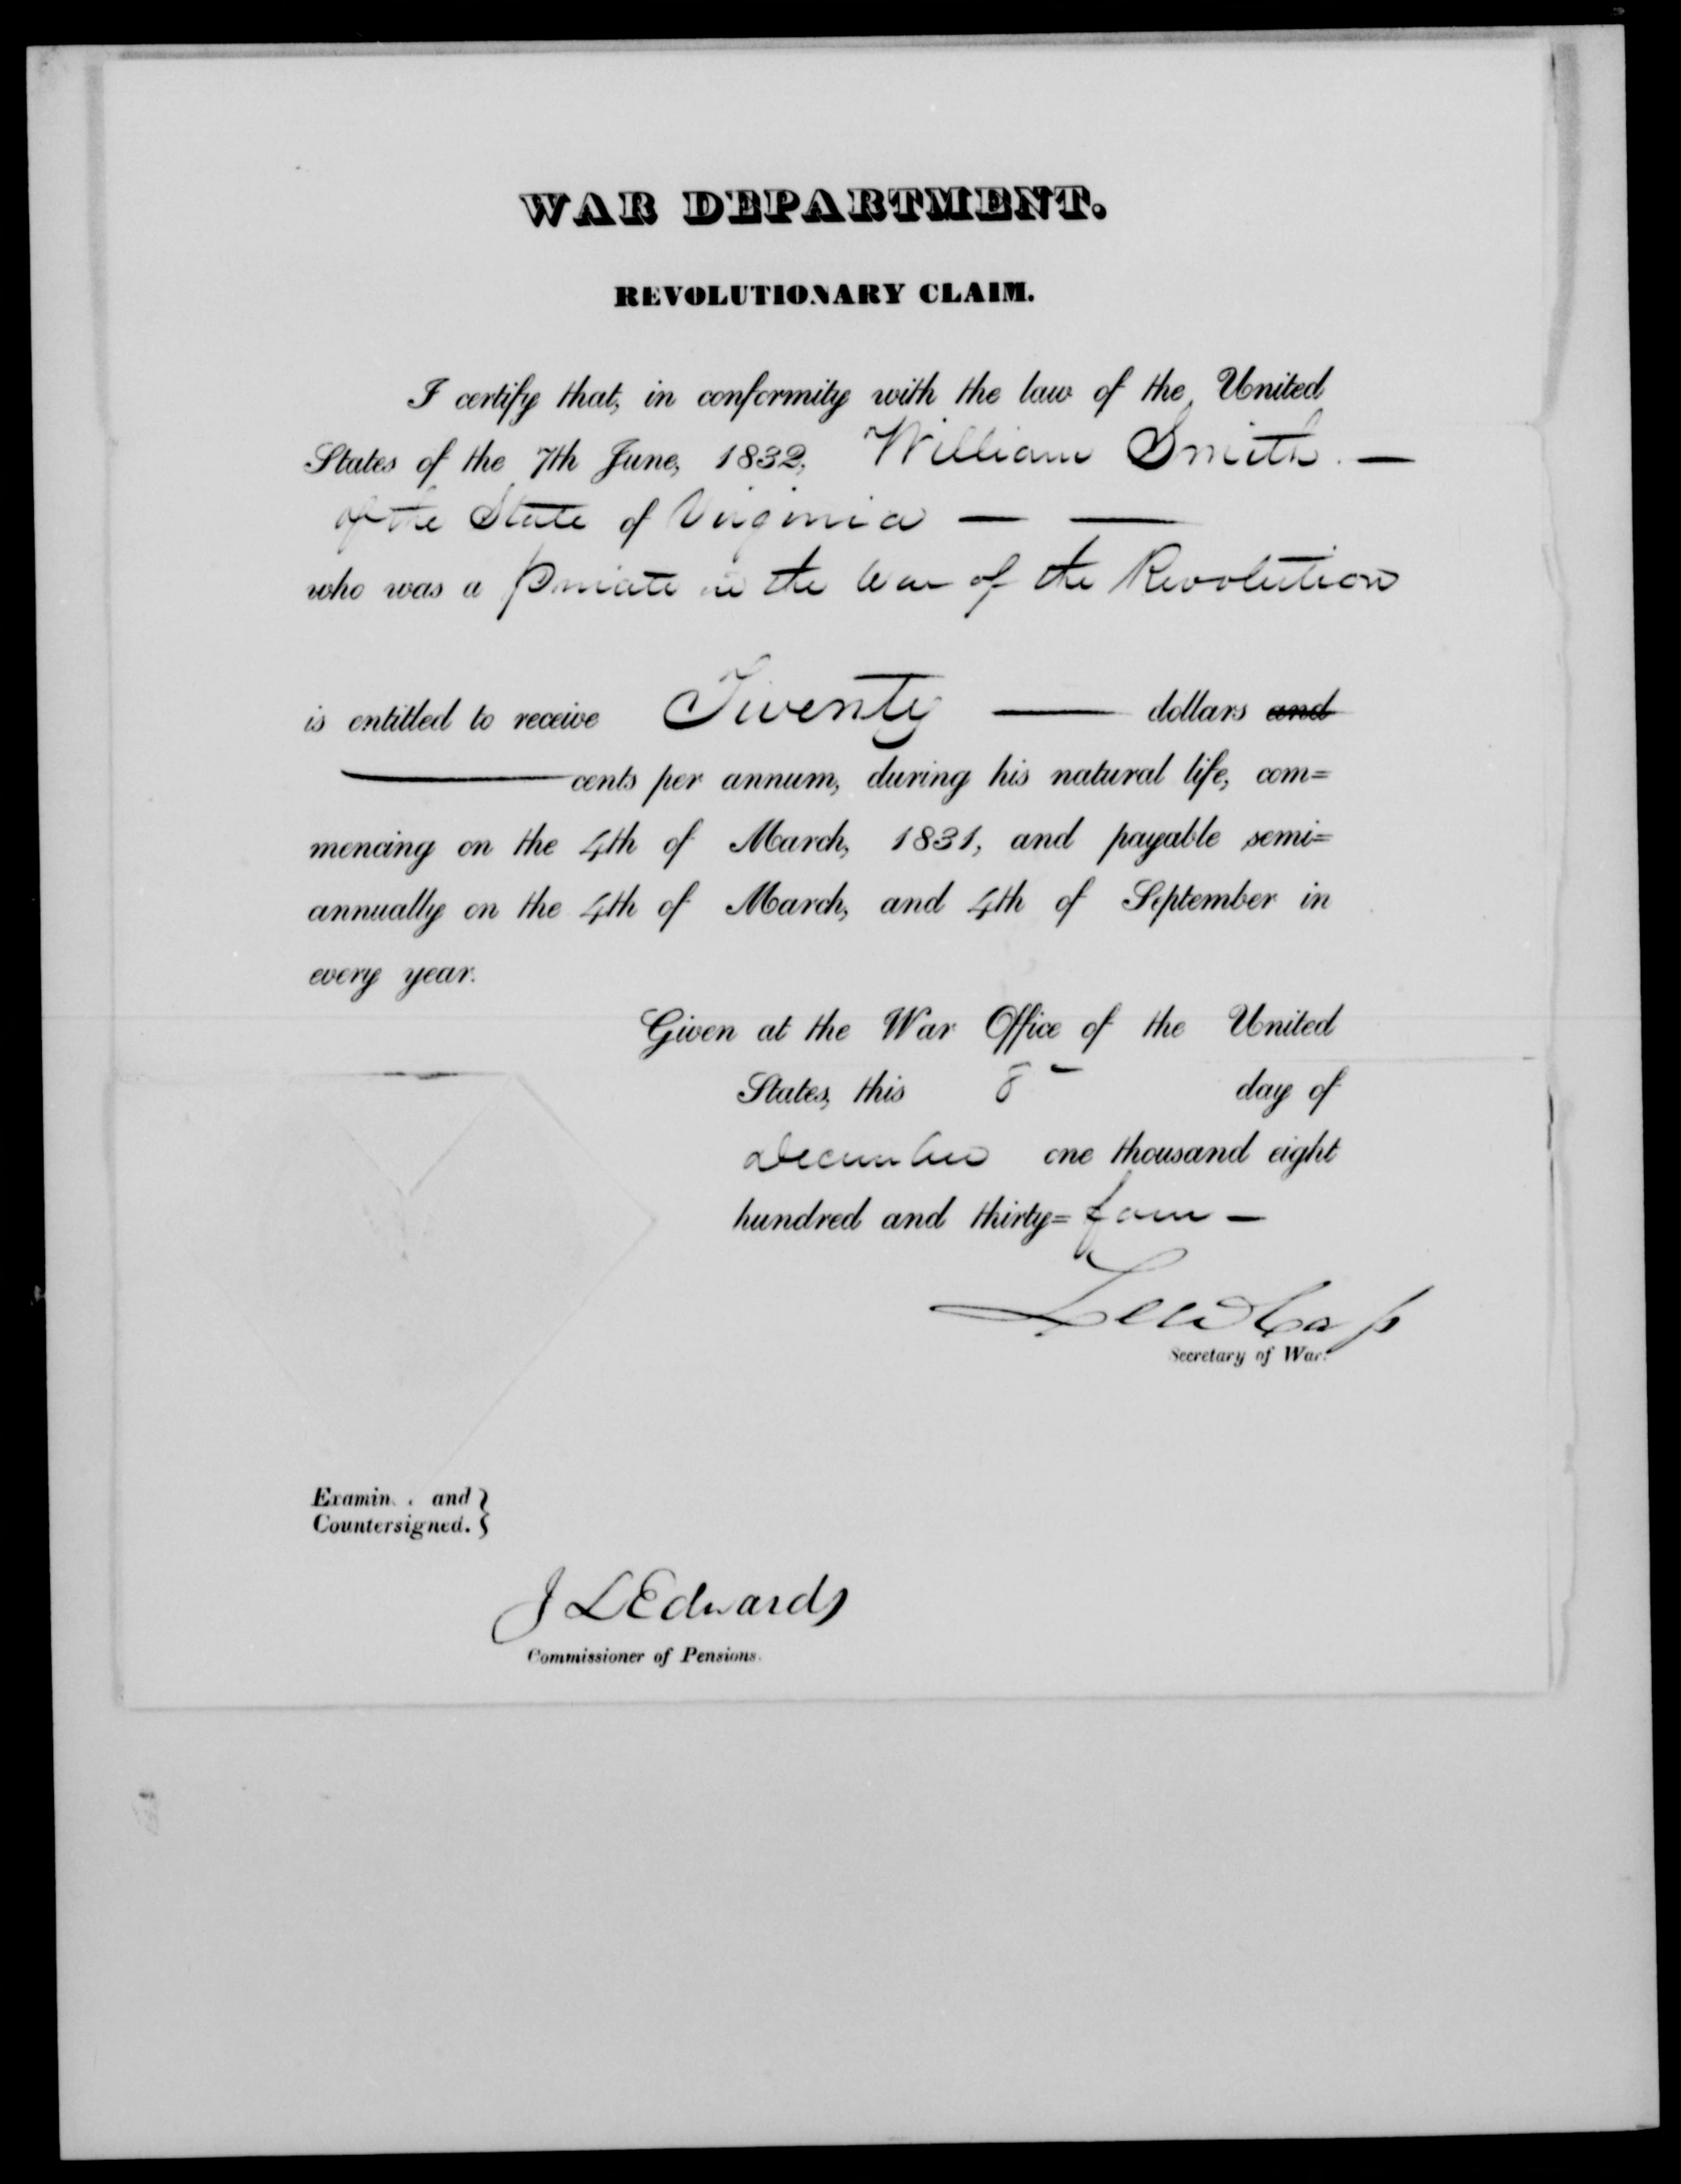WAR DEPARTMENT.
REVOLUTIONARY CLAIM.

I certify that, in conformity with the law of the United States of the 7th June 1832, William Smith - of the State of Virginia - - who was a Private in the war of the Revolution is enabled to receive Twenty - dollars - cents per annum, during his natural life, commencing on the 4th of March, 1831, and payable semi-annually on the 4th of March, and 4th of September in every year.
Given at the War Office of the United States this 8- day of December one thousand eight hundred and thirty-seven -
Lew Cass
Secretary of War.

Examined and Countersigned.
J L Edwards
Commissioner of Pensions.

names: J L Edwards; William Smith; Lew Cass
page: 18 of 22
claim: widow's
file: W. 4,806, for William Smith, Virginia